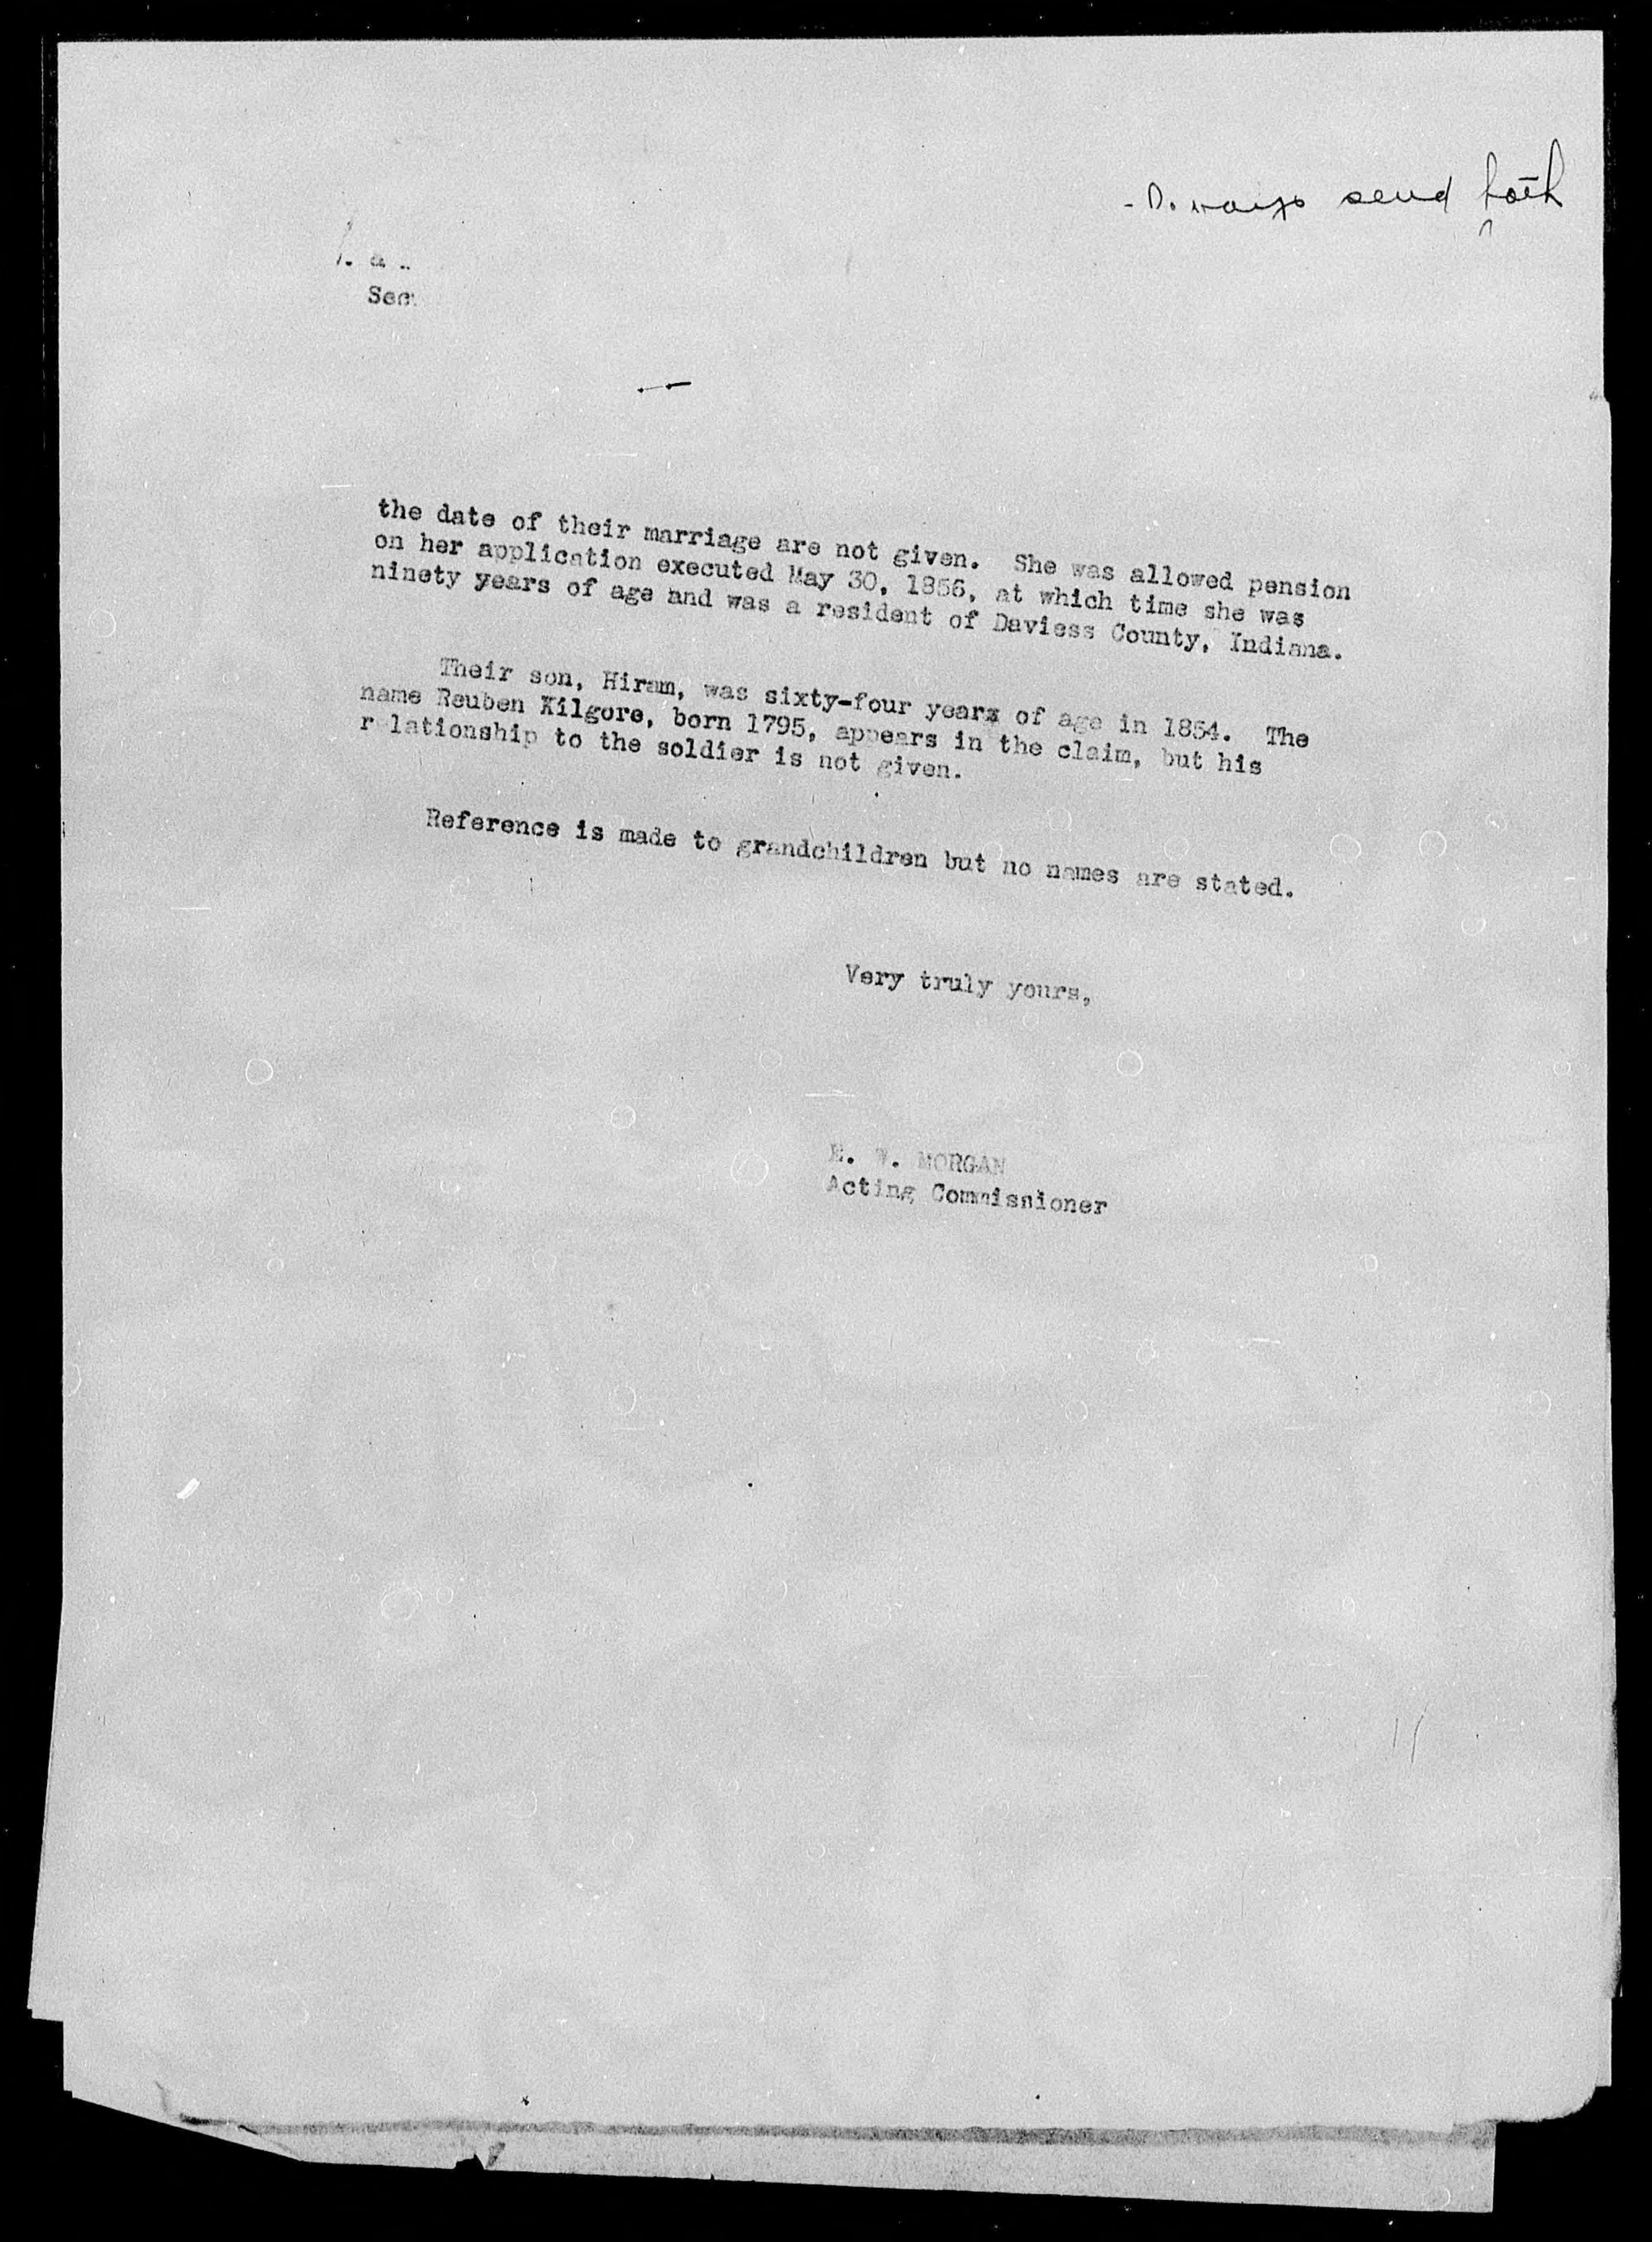the date of their marriage are not given. She was allowed pension on her application executed May 30, 1855, at which time she was ninety years of age and was a resident of Daviess County, Indiana.
Their son, Hiram, was sixty-four years of age in 1854. The
name Reuben Kilgore, born 1795, appears in the claim, but his relationship to the soldier is not given.
Reference is made to grandchildren but no names are stated.
Very truly yours,
E. W. MORGAN
Acting Commissioner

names: E W Morgan; Reuben Kilgore; Hiram [BLANK]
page: 103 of 115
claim: survivor's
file: S. 699, for Charles Kilgore, Virginia